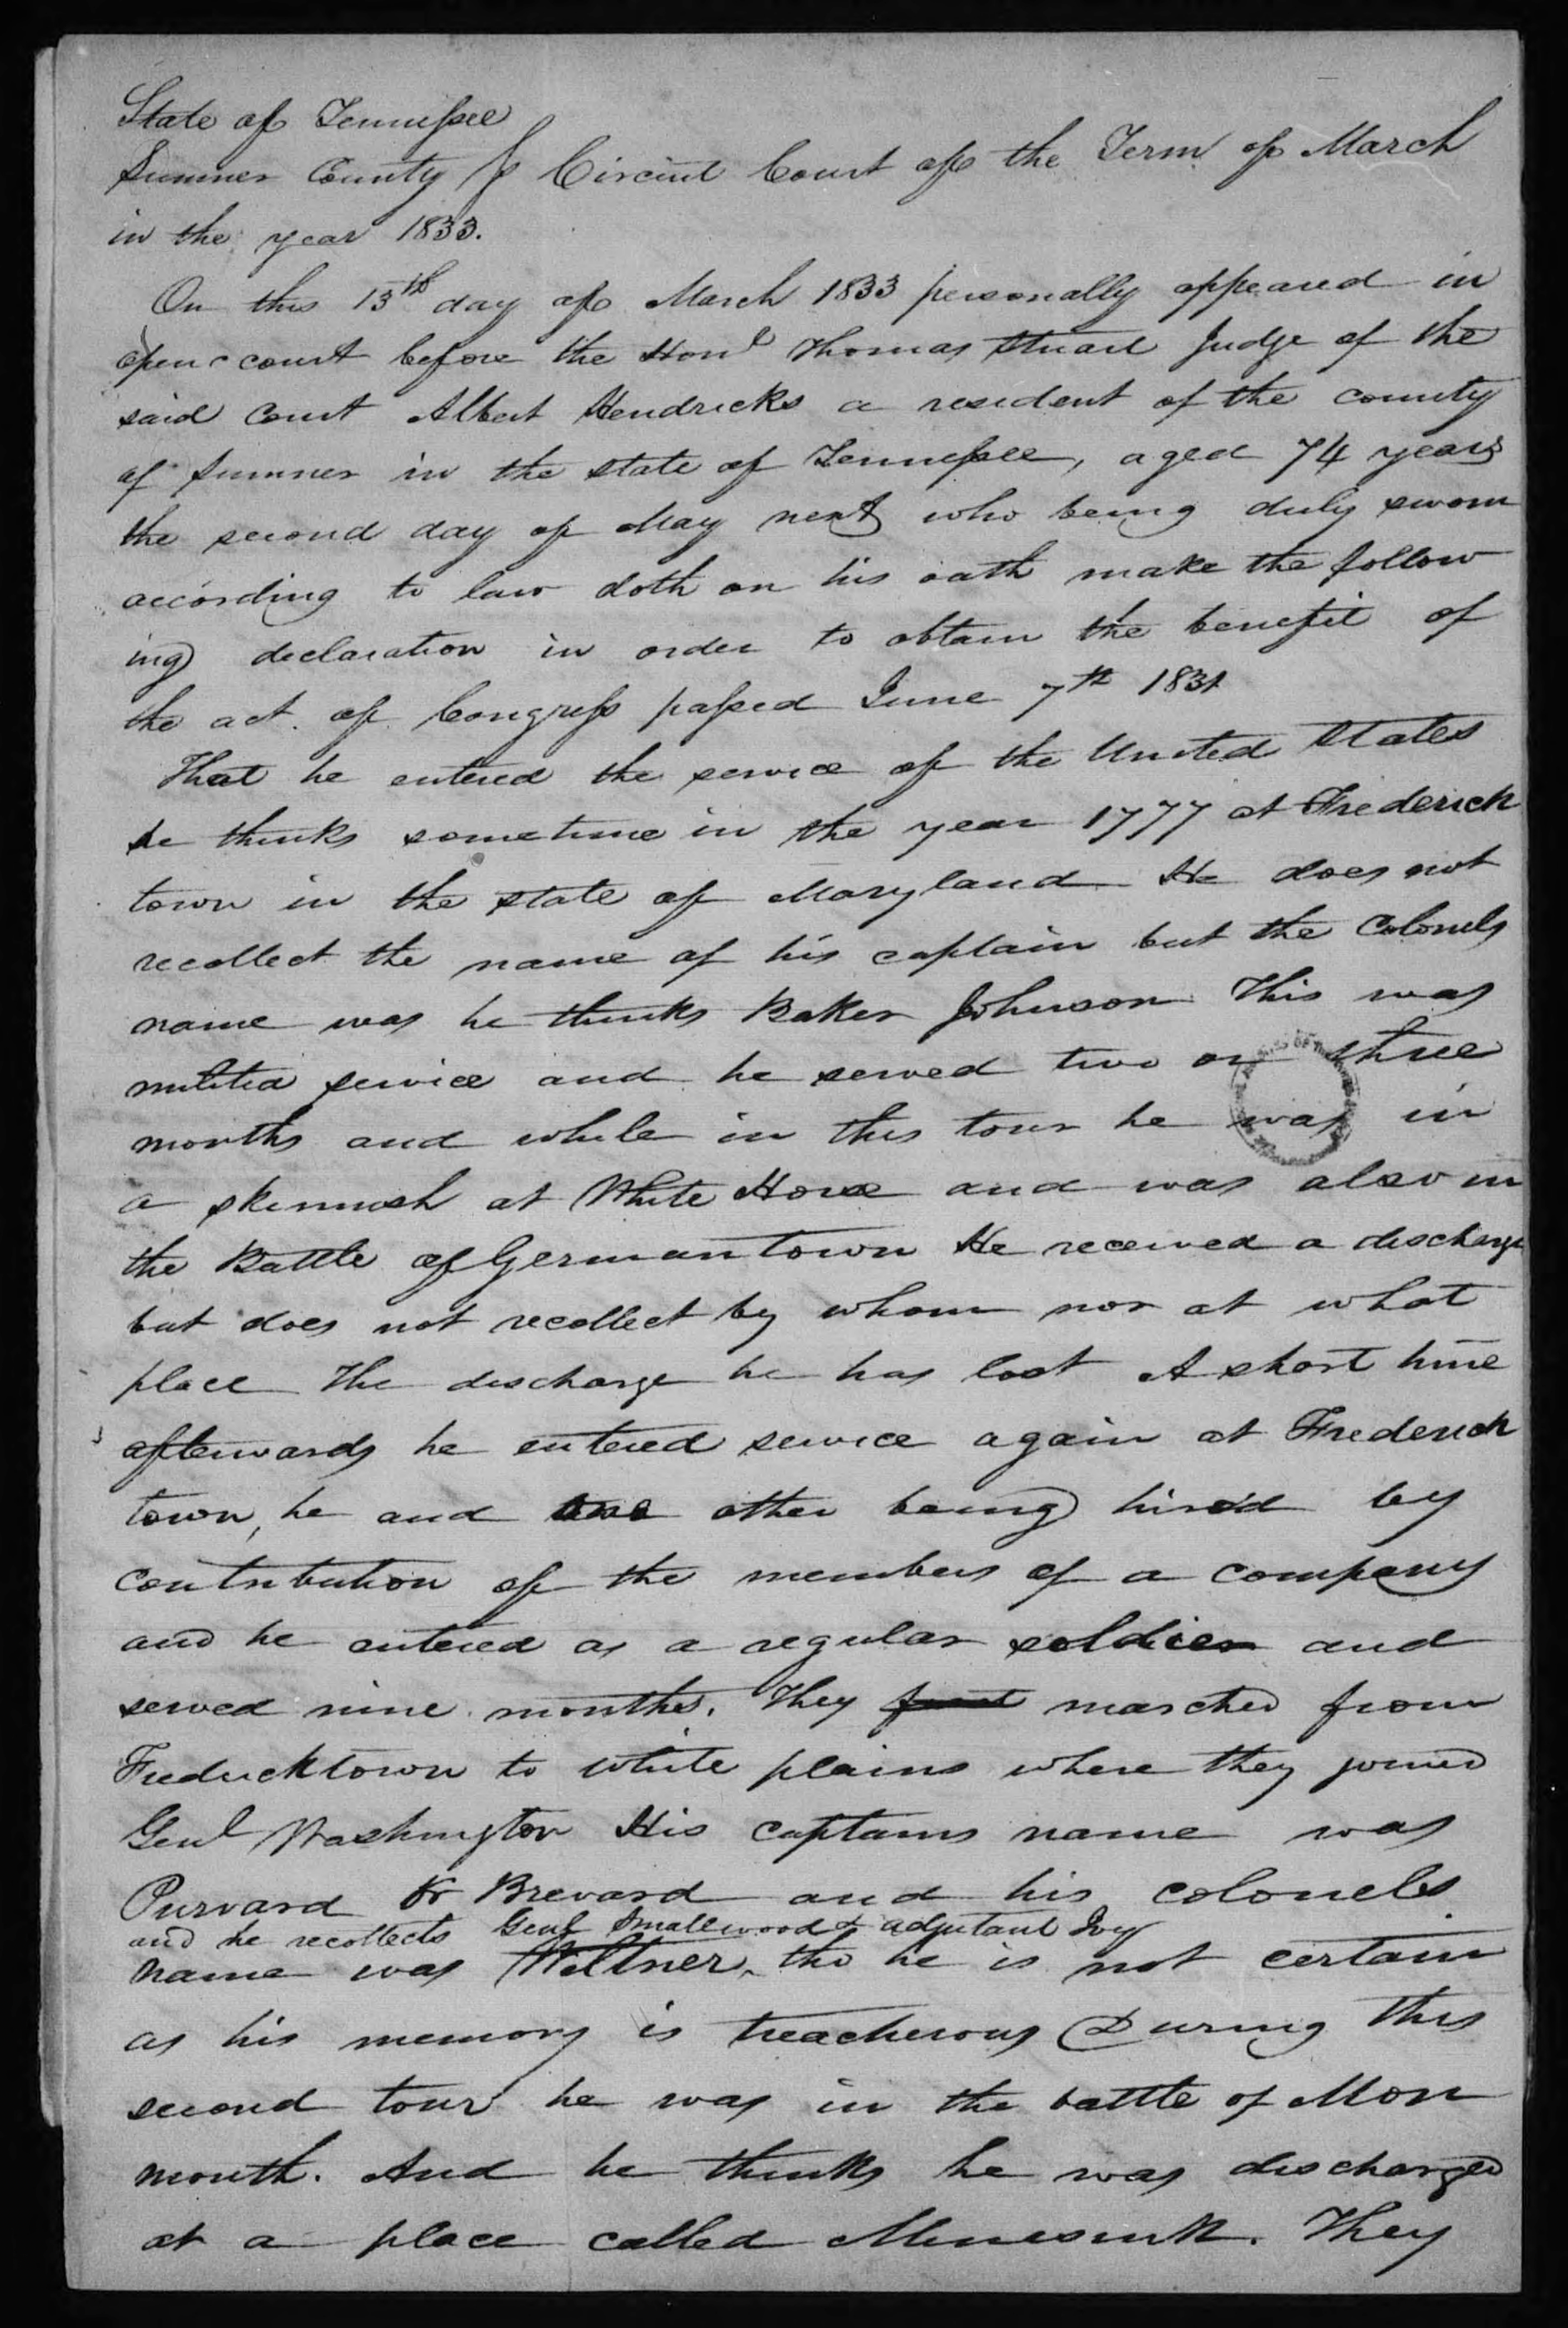State of Tennessee
Sumner County for Circuit Court for the Term of March in the year 1833
On this 13th day of March 1833 personally appeared in open court before the Hon. Thomas Stuart Judge of the said Court Albert Hendricks a resident of the county of Sumner in the State of Tennessee, aged 74 years the second day of May next who being duly sworn according to law doth on his oath make the following declaration in order to obtain the benefit of the act of Congress passed June 7th 1832.
That he entered the service of the United States he thinks sometime in the year 1777 at the Fredericktown in the state of Maryland.  He does not recollect the name of his captain but the Colonel's name was he thinks Baker Johnson.  This was militia service and he served two or three months and while in this tour he was in a skirmish at White Horse and was also [illegible stamp] in the Battle of Germantown.  He received a discharge but does not recollect by whom and at what place.  The discharge he has lost .A short time afterwards he entered service again at Fredericktown, he and [illegible] other being [illegible] by contribution of the members of a company and he entered as a regular soldier and served nine months.  They [crossed out first] marched from Fredericktown to White Plains where they joined Genl. Washington.  His captain's name was Purvard or Prevard and his Colonel's name was Wiltner [inserted: and he recollects Genl. Smallwood & adjutant Ivy] tho he is not certain as his memory is treacherous.  During this second tour he was in the battle of Monmouth and he thinks he was discharged at a place called [illegible].  They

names: Smallwood, Purvard, Washington, Baker Johnson, Wiltner, Albert Hendricks, Brevard, Ivy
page: 13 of 76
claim: widow's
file: W. 83, Albert Hendricks, Continental Md. N.C.